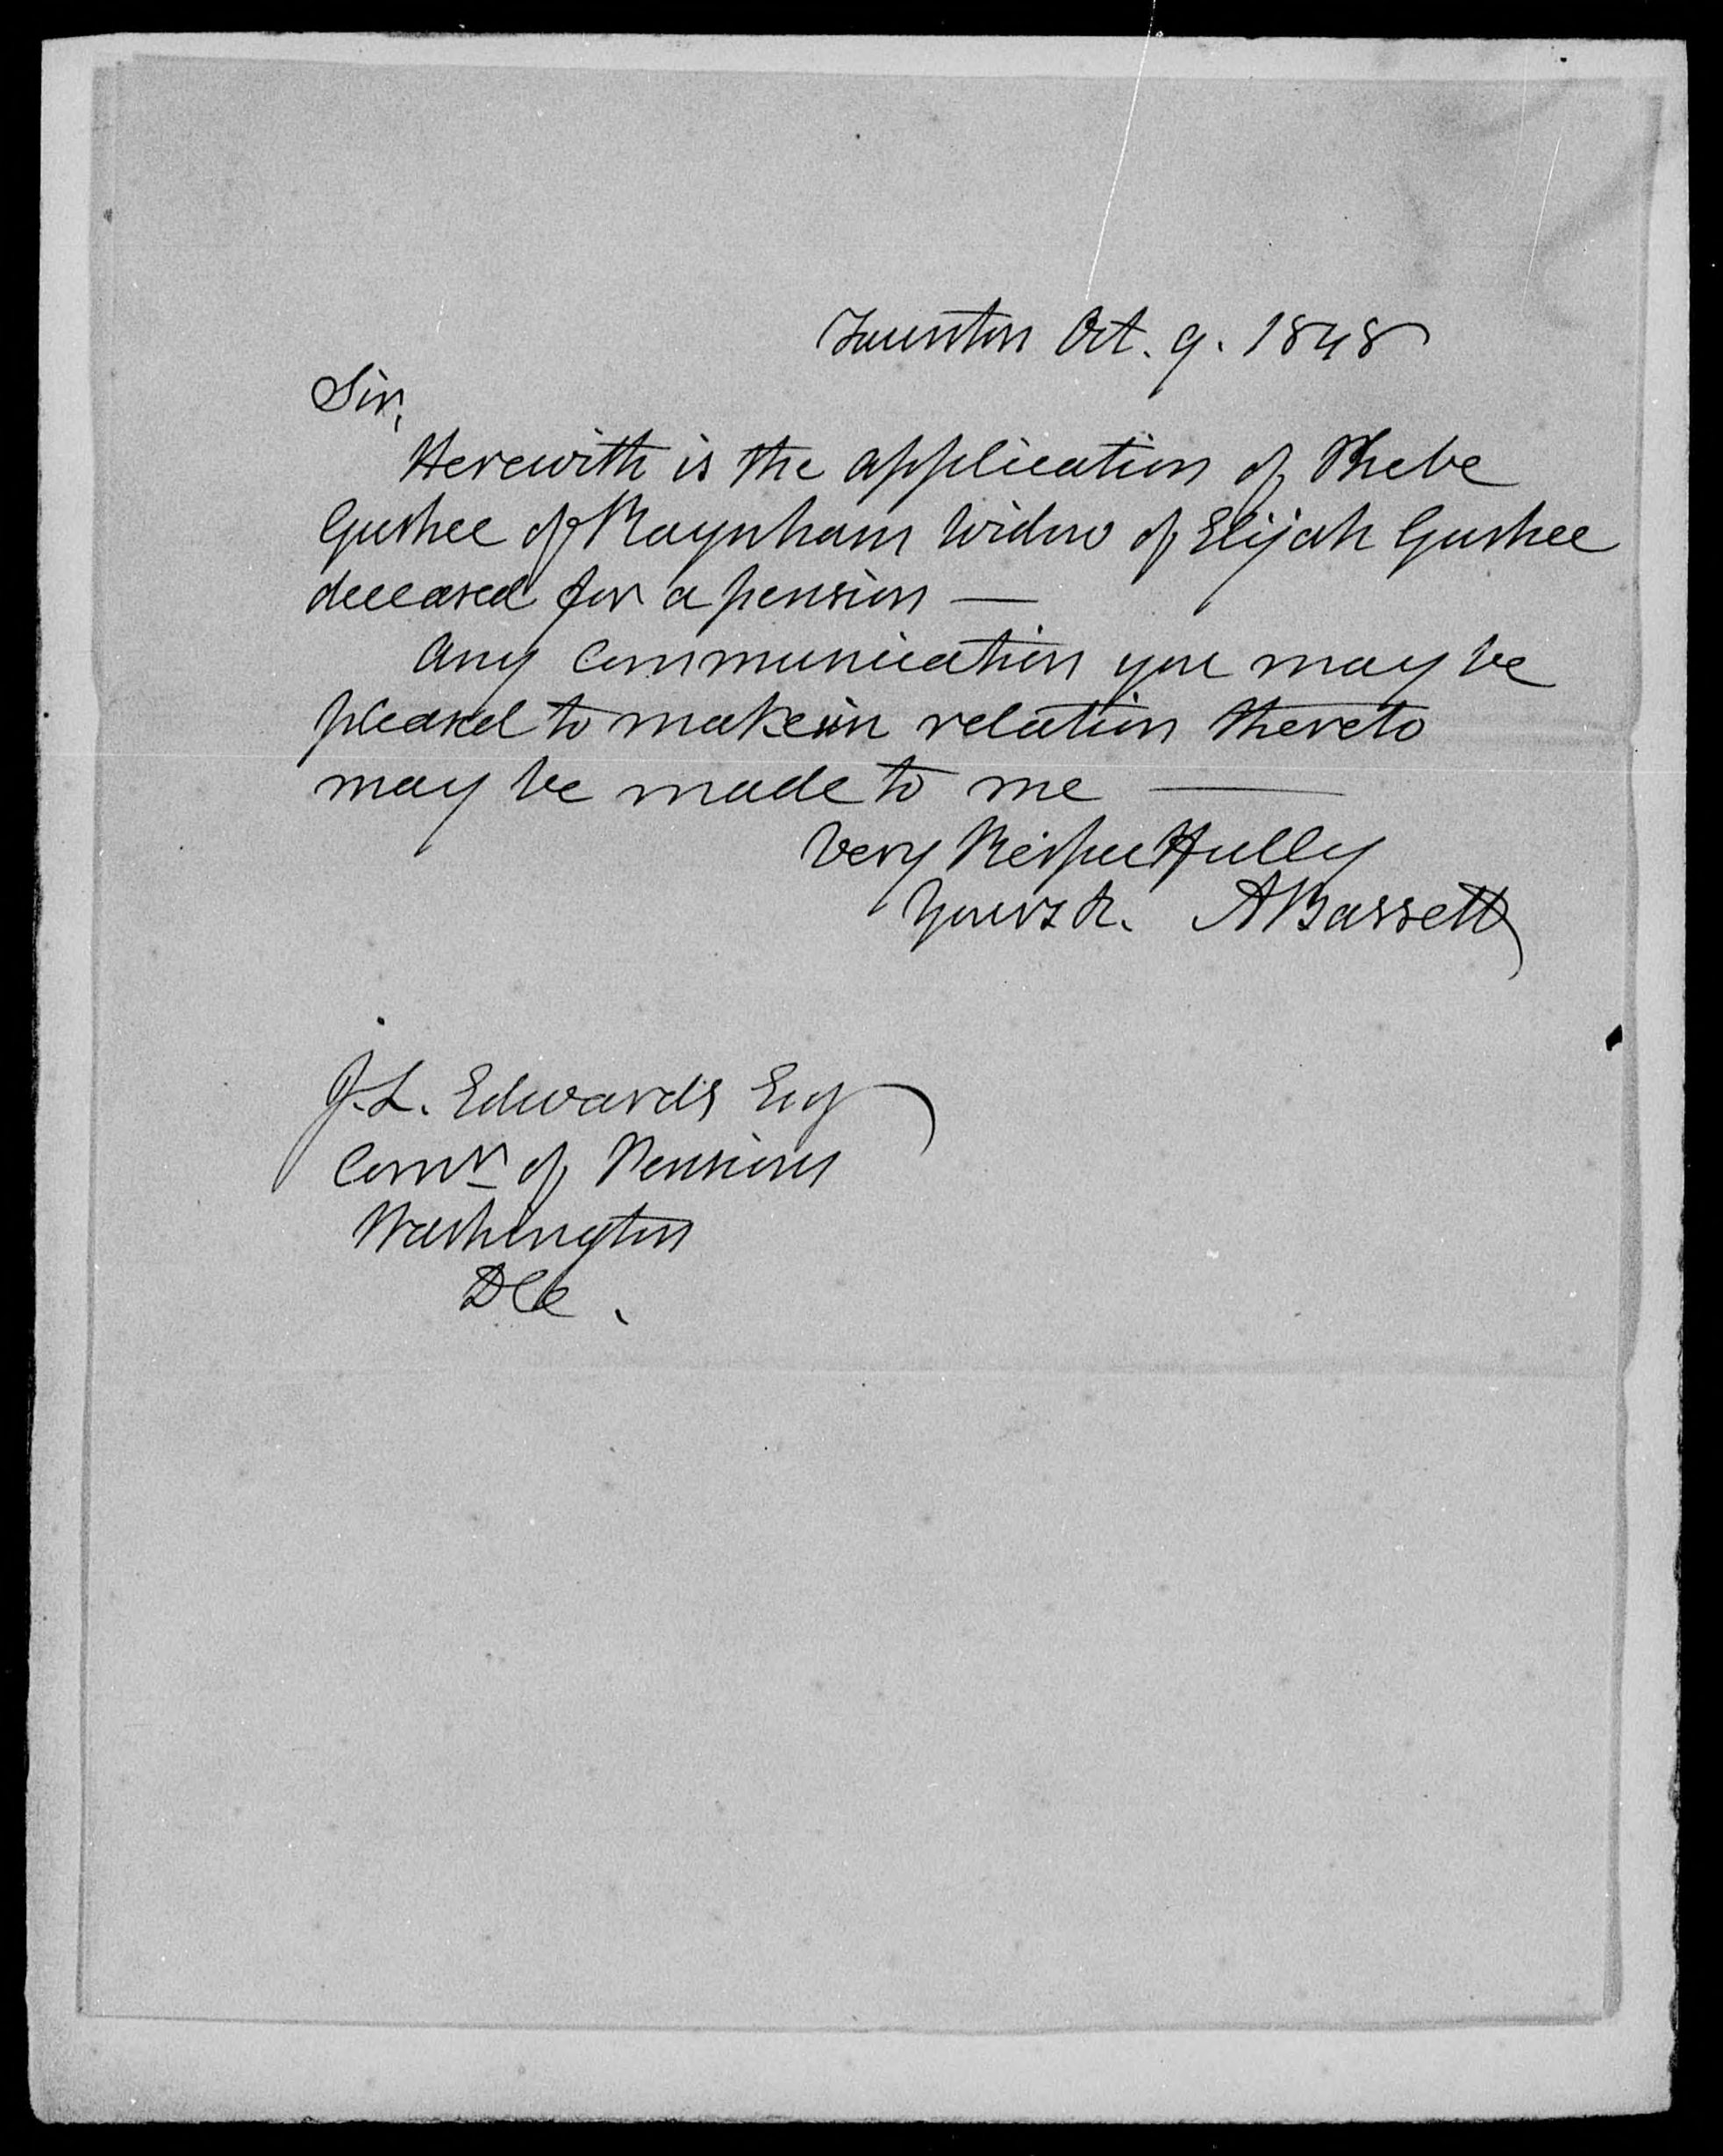Taunton Oct. 9. 1848

Sir,
Herewith is the application
of Phebe Gushee of Raynham widow of Elijah Gushee deceased for a pension

Any communication you may be pleased to make in relation thereto may be made to me
-
Very Respectfully
Yours A Bassett


J. L. Edwards Esq
Court of Pensions
Washington
DC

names: J L Edwards, Elijah Gushee, A Bassett, Phebe Gushee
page: 29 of 36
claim: widow's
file: W. 8838, Elijah Gushee, Mass.